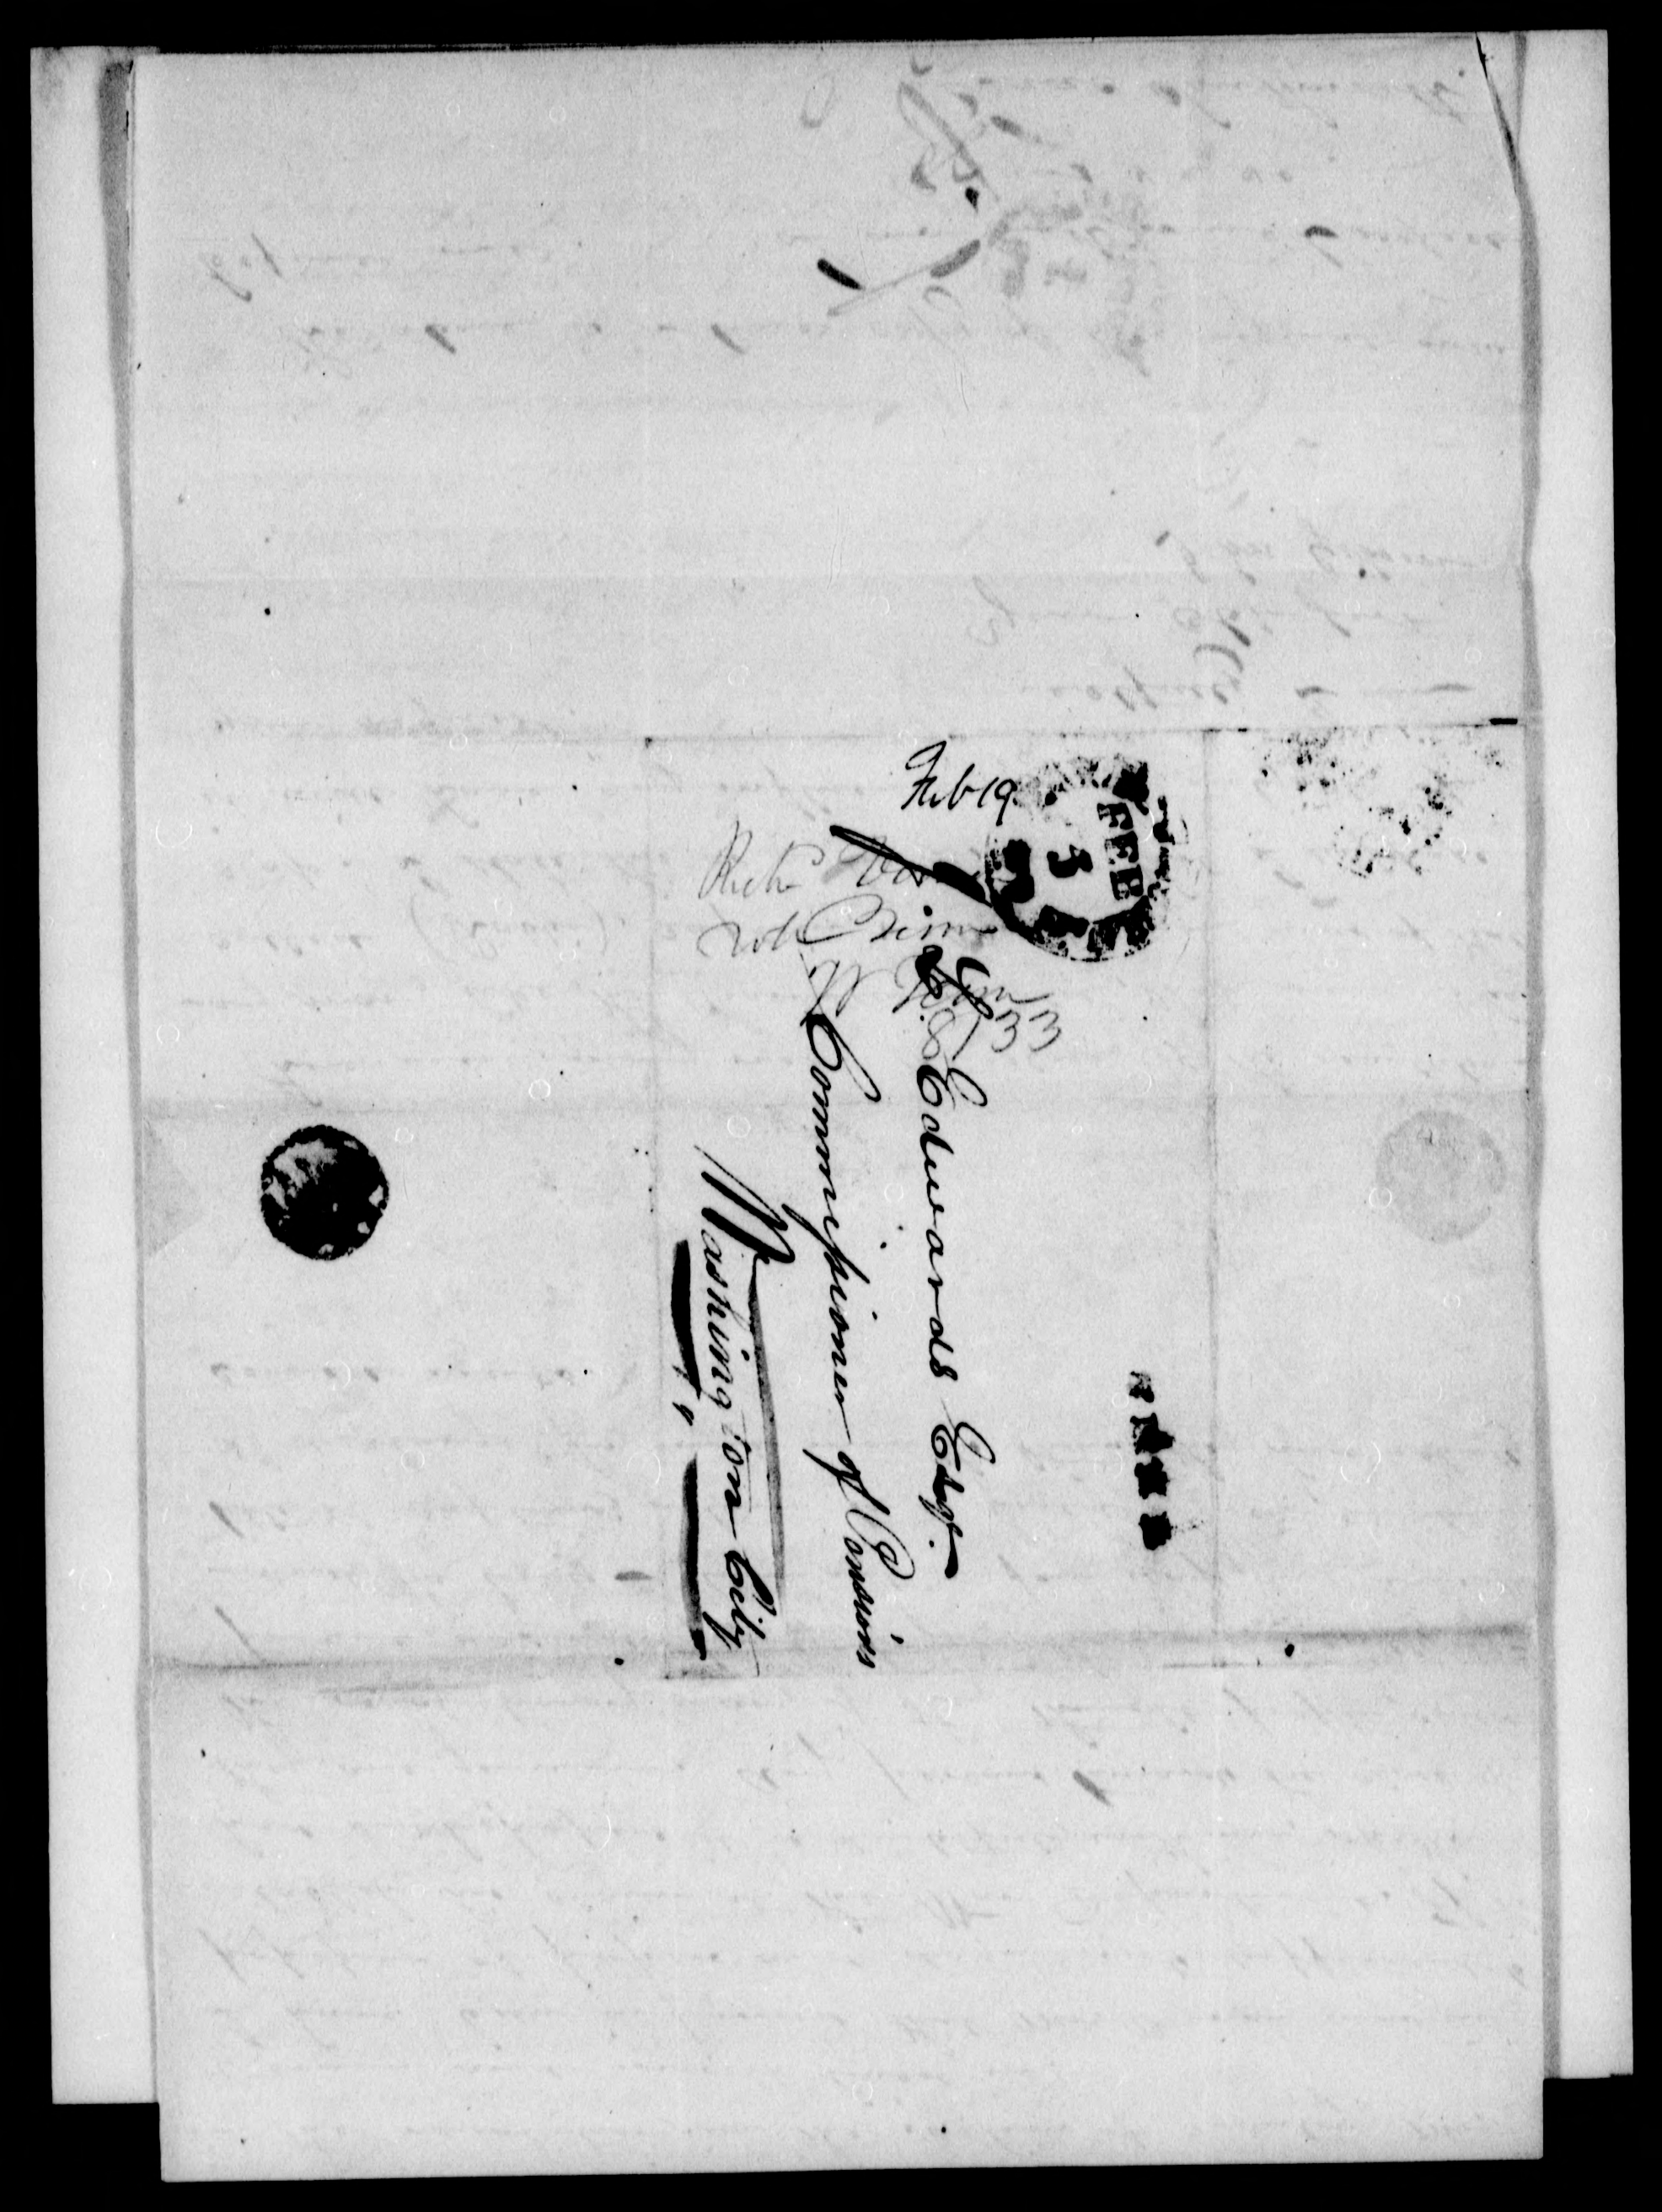Rich Vernon
[illegible]
W Tenn
8133

FREE 
Feb 19
Circular stamp FEB 

J. L. Edward Esq.
Commissioner of Pensions
Washington City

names: W Horn, Richd Vernon, J L Edwards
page: 45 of 105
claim: survivor's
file: S. 1883, Richard Vernon, N.C.